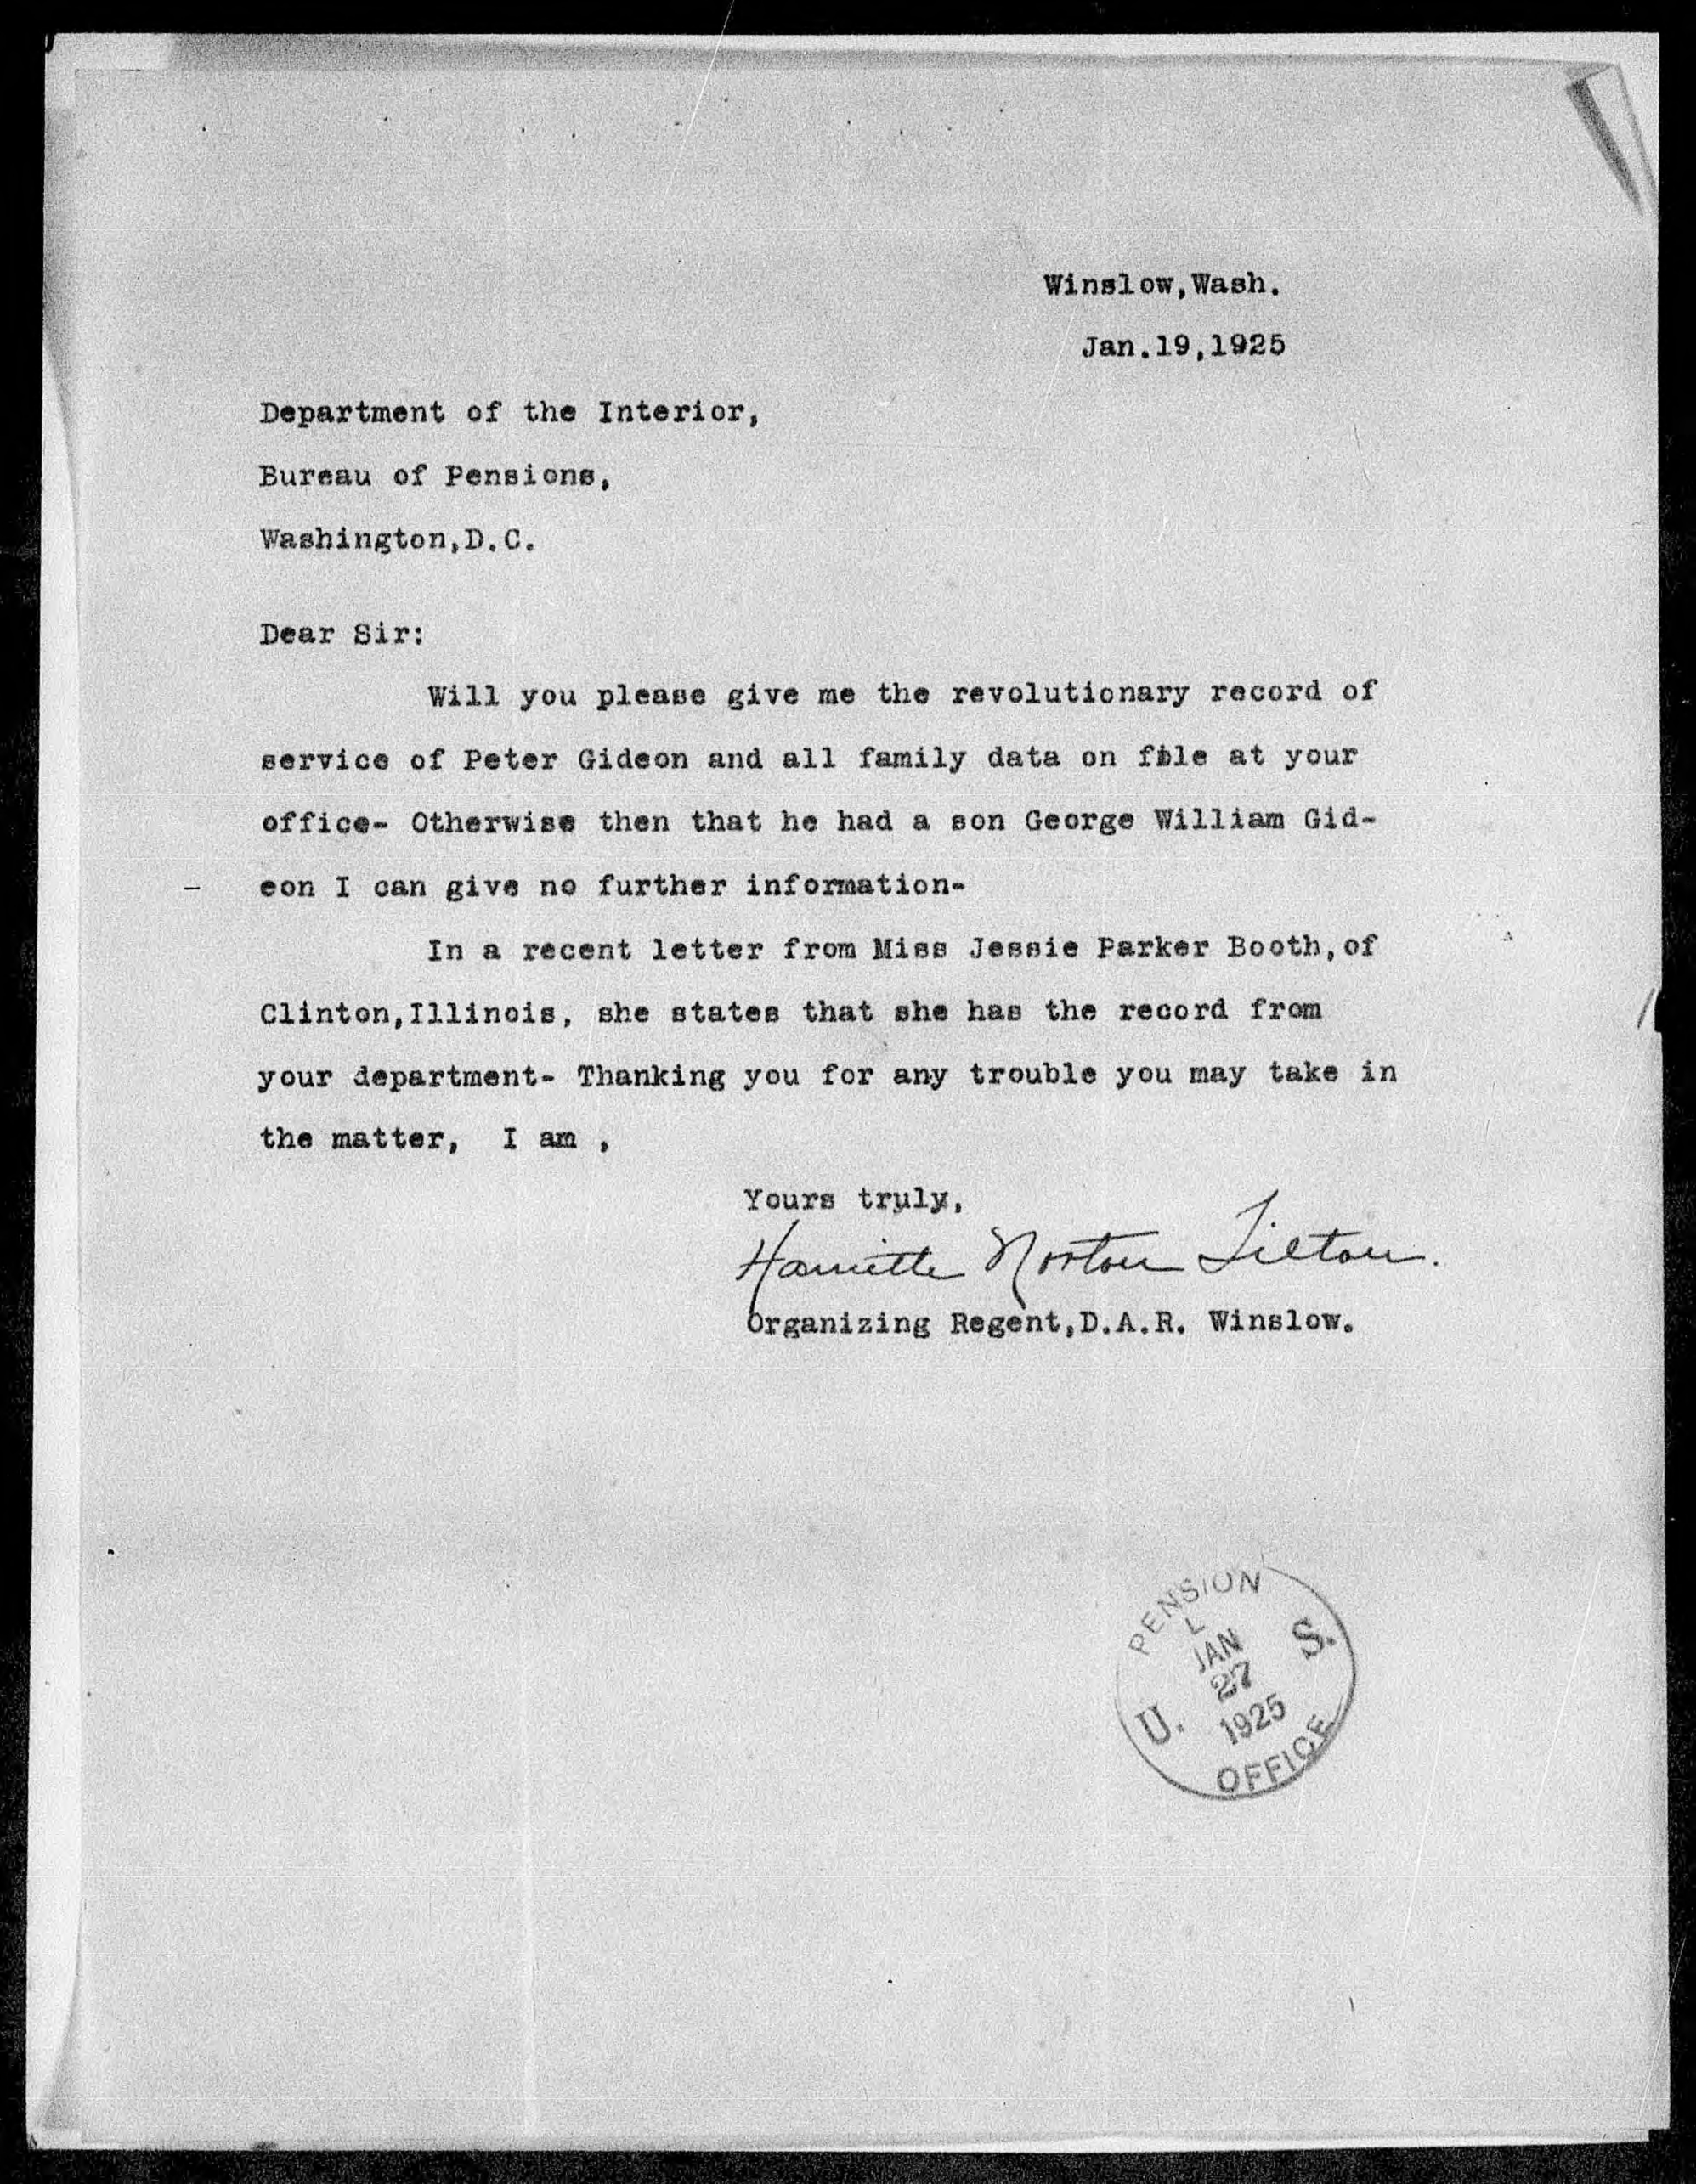Winslow, Wash.
Jan. 19, 1925

Department of the Interior,
Bureau of Pensions,
Washington, D. C.


Dear Sir:

Will you please give me the revolutionary record of service of Peter Gideon and all family data on file at your office.  Otherwise then that he had a son George William Gideon I can give no further information.
In a recent letter from Miss Jessie Parker Booth, of Clinton, Illinois, she states that she has the record from your department. Thanking you for any trouble you may take in the matter, I am,
Yours truly,
Hamitte Norton Tilton
Organizing Regent, D.A.R. Winslow,

[stamped jan27 1925 US pension office]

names: George William Gideon, Jessie Parker Booth, Peter Gideon, Harriette Norton Tilton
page: 48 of 64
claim: survivor's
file: S. 6887, Peter Gideon, Md.